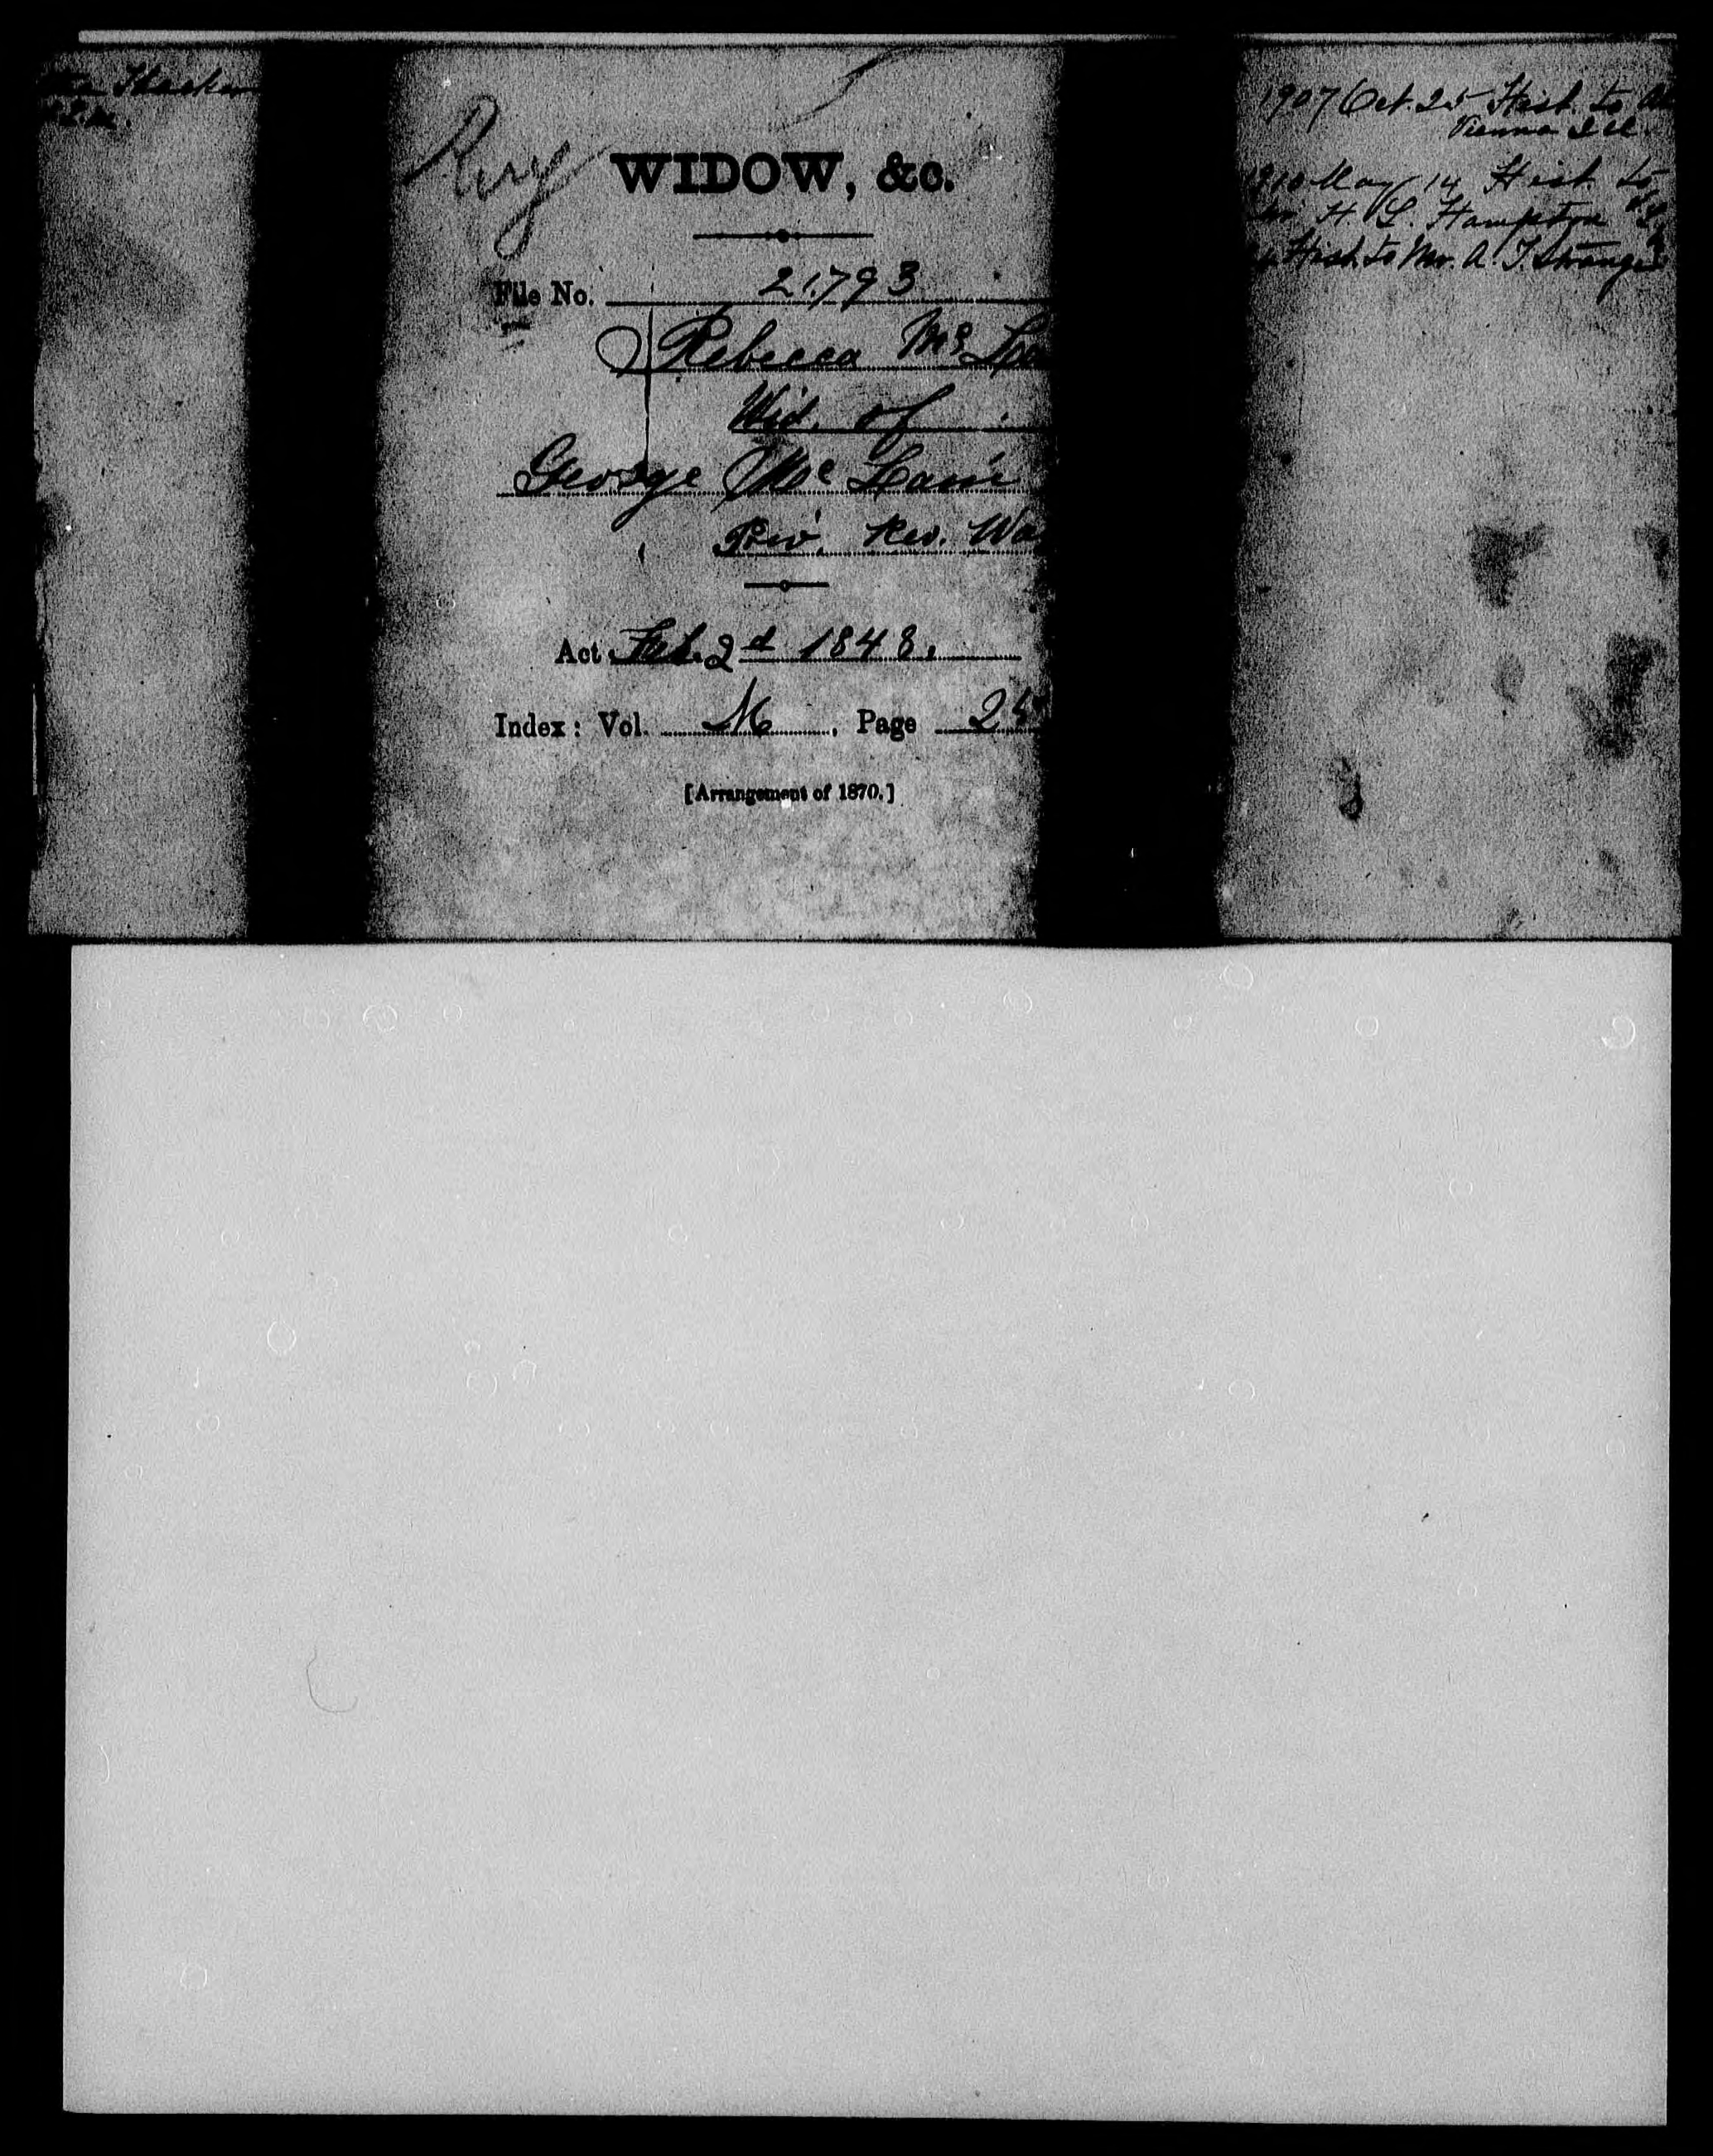[typed form, with handwritten responses]

[left side] [1907 – Oct 25 Althea] Thacker LM 

[center] Revy WIDOW, &c.
File No. 21793
Rebecca McLean
Wid. [Widow] of
George McLain
Pvt. Rev. War

Act: Feb. 2nd 1848.

Index: - Vol. M, Page 25[cut off]

[Arrangement of 1870.]

[right side] 1907 Oct 25 Hist. to [Althea Thacker] Vienna Ill.
1910 – May 14 Hist. to H. L. Hampton
[1913 – Nov 24] Hist. to Mr. A. T. Strange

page: 24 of 67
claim: widow's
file: W. 21793, for George Mc Lain, North Carolina